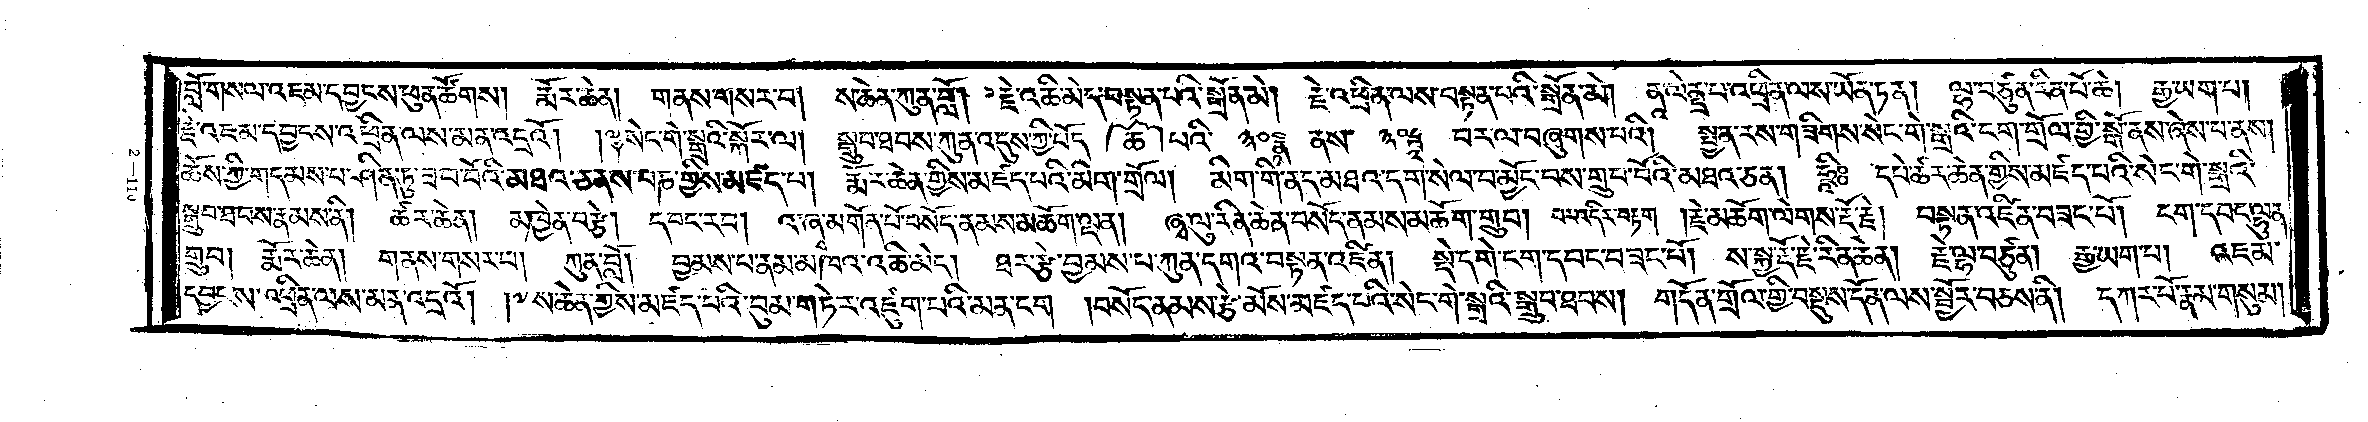བློ་གསལ་འཇམ་དབྱངས་ཕུན་ཚོགས། རྨོར་ཆེན། གནས་གསར་བ། ས་ཆེན་ཀུན་བློ། རྗེ་འཆི་མེད་བསྟན་པའི་སྒྲོན་མེ། རྗེ་འཕྲིན་ལས་བསྟན་པའི་སྒྲོན་མེ། ནཱ་ལེནྡྲ་པ་འཕྲིན་ལས་ཡོན་ཏན། ལྷ་བཙུན་རིན་པོ་ཆེ། རྒྱ་ཡ་ནས།
རྗེ་འཇམ་དབྱངས་འཕྲིན་ལས་མན་འདྲའོ། །༈ སེང་གེ་སྒྲའི་སྐོར་ལ། སྒྲུབ་ཐབས་ཀུན་འདུས་ཀྱི་པོད་ཆ྄་པའི ༣༠༤ན༡་ནས ༣༠༥བ༢་བར་ལ་བཞུགས་པའི། སྤྱན་རས་གཟིགས་སེང་གེ་སྒྲའི་ངག་གྲོལ་གྱི་སྒོ་ནས་ཞེས་པ་ནས།
ཆོས་ཀྱི་གདམས་པ་ཤིན་ཏུ་ཟབ་བོའི་མཐའ་ཅན་ས་པཎ་གྱིས་མཛད་པ། རྨོར་ཆེན་གྱིས་མཛད་པའི་མིག་གྲོལ། མིག་གི་ནད་མཐའ་དག་སེལ་བ་མྱོང་བས་གྲུབ་བོའི་མཐའ་ཅན། ཧྲཱིཿ དཔེ་ཚར་ཆེན་གྱིས་མཛད་པའི་སེང་གེ་སྒྲའི་
སྒྲུབ་ཐབས་རྣམས་ནི། ཚར་ཆེན། མཁྱེན་བརྩེ། དབང་རབ། འ་ཞྭ་མགོན་པོ་བསོད་ནམས་མཆོག་ལྡན། ཞྭ་ལུ་རིན་ཆེན་བསོད་ནམས་མཆོག་གྲུབ། པར་འདིར་བརྟག །རྗེ་མཆོག་ལེགས་རྡོ་རྗེ། བསྟན་འཛིན་བཟང་པོ། ངག་དབང་ལྷུན་
གྲུབ། རྨོར་ཆེན། གནས་གསར་པ། ཀུན་བློ། བྱམས་པ་ནམ་མཁའ་འཆི་མེད། ཐར་རྩེ་བྱམས་པ་ཀུན་དགའ་བསྟན་འཛིན། སྡེ་དགེ་ངག་དབང་བཟང་པོ། ས་སྐྱ་རྡོ་རྗེ་རིན་ཆེན། རྗེ་ལྷ་བཙུན། རྒྱ་ཡག་པ། འཇམ་
དབྱངས་འཕྲིན་ལས་མན་འདྲའོ། །༧ས་ཆེན་གྱིས་མཛད་པའི་བུམ་གཏེར་འཛུག་པའི་མན་ངག །བསོད་ནམས་རྩེ་མོས་མཛད་པའི་སེང་གེ་སྒྲའི་སྒྲུབ་ཐབས། གདོན་གྲོལ་གྱི་བསྡུས་དོན་ལས་སྦྱོར་བཅས་ནི། དཀར་པོ་རྣམས་གསུམ་